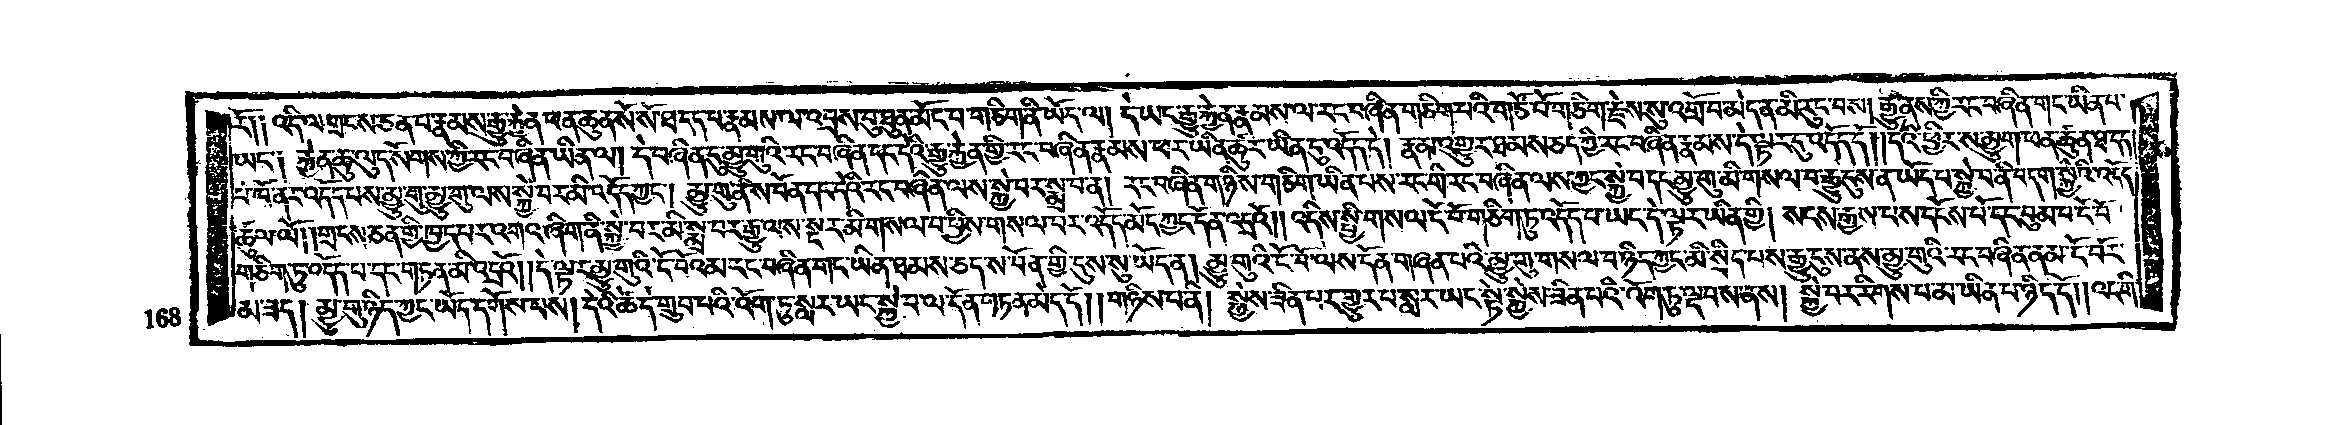རོ། །འདི་ལ་གྲངས་ཅན་པ་རྣམས་རྒྱུ་རྐྱེན་ཕན་ཚུན་སོ་སོ་ཐ་དད་པ་རྣམས་ལ་འབྲས་བུ་ཐུན་མོང་བ་གཅིག་ནི་ཡོད་ལ། དེ་ཡང་རྒྱུ་རྐྱེན་རྣམས་ལ་རང་བཞིན་གཅིག་པའི་གཙོ་བོ་གཅིག་རྗེས་སུ་འགྲོ་བ་མེད་ན་མི་རུང་བས། རྒྱུ་ནས་ཀྱི་རང་བཞིན་གང་ཡིན་པ་
ཡང་། རྐྱེན་ཆུ་ལུད་སོགས་ཀྱི་རང་བཞིན་ཡིན་ལ། དེ་བཞིན་དུ་མྱུ་གུའི་རང་བཞིན་དང་དེའི་རྒྱུ་རྐྱེན་གྱི་རང་བཞིན་རྣམས་ཕར་ཡིན་ཚུར་ཡིན་དུ་འདོད་དེ། རྣམ་འགྱུར་ཐམས་ཅད་ཀྱི་རང་བཞིན་རྣམས་དེ་ལྟར་དུ་འདོད་དོ། །དེའི་ཕྱིར་ས་མྱུག་ཕན་ཚུན་ཐ་དད་
པ་ཁོ་ནར་འདོད་པས་མྱུ་གུ་མྱུ་གུ་ལས་སྐྱེ་བར་མི་འདོད་ཀྱང་། མྱུ་གུ་ནི་ས་བོན་དང་དེའི་རང་བཞིན་ལས་སྐྱེ་བར་སྨྲ་བ་ན། རང་བཞིན་གཉིས་གཅིག་ཡིན་པས་རང་གི་རང་བཞིན་ལས་ཀྱང་སྐྱེ་བ་དང་མྱུ་གུ་མི་གསལ་བ་རྒྱུ་དུས་ན་ཡོད་པ་སྐྱེ་བ་ནི་བདག་སྐྱེའི་འདོད་
ཚུལ་ལོ། །གྲངས་ཅན་གྱི་ཁྱད་པར་འགའ་ཞིག་ནི་སྐྱེ་བར་མི་སྨྲ་བར་རྒྱུ་ལས་སྔར་མི་གསལ་བ་ཕྱིས་གསལ་བར་འདོད་མོད་ཀྱང་དོན་འདྲའོ། །འདིས་སྤྱི་གསལ་ངོ་བོ་གཅིག་ཏུ་འདོད་པ་ཡང་དེ་ལྟར་ཡིན་གྱི། སངས་རྒྱས་པས་དངོས་པོ་དང་བུམ་པ་ངོ་བོ་
གཅིག་ཏུ་འདོད་པ་དང་གཏན་མི་འདྲའོ། །དེ་ལྟར་མྱུ་གུའི་ངོ་བོའམ་རང་བཞིན་གང་ཡིན་ཐམས་ཅད་ས་བོན་གྱི་དུས་སུ་ཡོད་ན། མྱུ་གུའི་ངོ་བོ་ལས་དོན་གཞན་པའི་མྱུ་གུ་གསལ་བ་ཉིད་ཀྱང་མི་སྲིད་པས་རྒྱུ་དུས་ནས་མྱུ་གུའི་རང་བཞིན་ནམ་ངོ་བོར་
མ་ཟད། མྱུ་གུ་ཉིད་ཀྱང་ཡོད་དགོས་པས། དེའི་ཚེ་དེ་གྲུབ་པའི་འོག་ཏུ་སླར་ཡང་སྐྱེ་བ་ལ་དོན་གཏན་མེད་དོ། །གཉིས་པ་ནི། སྐྱེས་ཟིན་པར་གྱུར་པ་སླར་ཡང་སྟེ་སྐྱེས་ཟིན་པའི་འོག་ཏུ་ལྡབས་ནས། སྐྱེ་བར་རིགས་པ་མ་ཡིན་པ་ཉིད་དོ། །འང་གི་